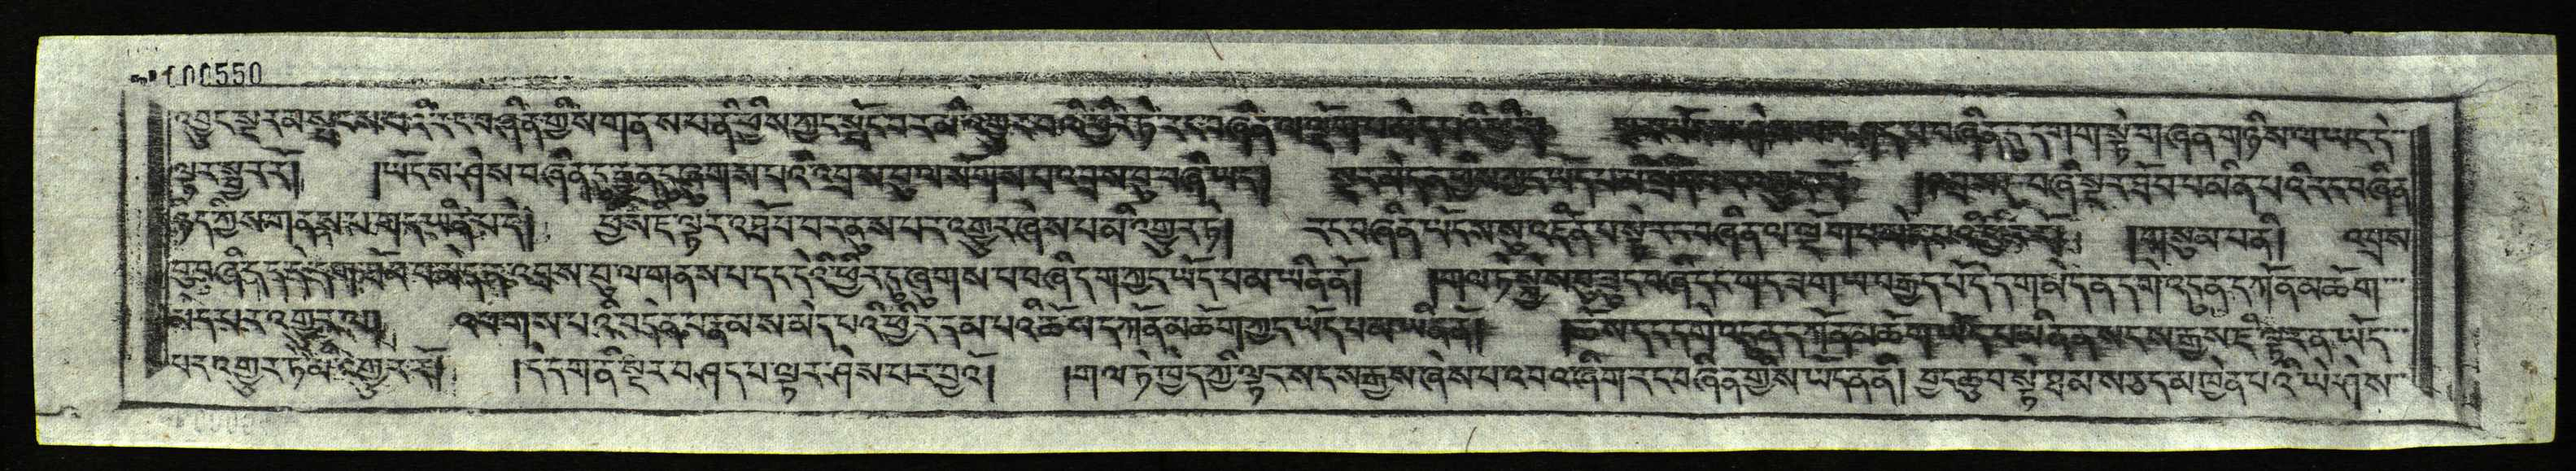འབྱུང་སྔར་མ་སྤངས་པའི་རང་བཞིན་གྱིས་གནས་པ་ནི་ཕྱིས་ཀྱང་སྤོང་བར་མི་འགྱུར་བའི་ཕྱིར་ཏེ་རང་བཞིན་ལ་ལྡོག་པ་མེད་པའི་ཕྱིར། སྔ?་མ་ཡོས?་པ་ཤེས་པ་བཤད་པ་བཞིན་དུ་དགག་སྟེ་གཞན་གཉིས་ལ་ཡང་དེ་
ལྟར་སྦྱར་རོ། །ཡོངས་ཤེས་བཞིན་དུ་རྒྱུན་དུ་ཞུགས་པའི་འབྲས་བུ་ལ་སོགས་པ་འབྲས་བུ་བཞི་ཡང་། སྔར་མེད་ན་ཕྱིས་ཀྱང་ཡོད་པ་མི་སྲིད་པར་འགྱུར་རོ། །འབྲས་བུ་བཞི་སྔར་ཐོབ་པ་མིན་པའི་རང་བཞིན་
ཉིད་ཀྱིས་གནས་པ་གང་ཡིན་པ་དེ། ཕྱིས་ཇི་ལྟར་འཐོབ་པར་ནུས་པར་འགྱུར་ཞེས་པ་མི་འགྱུར་ཏེ། རང་བཞིན་ཡོངས་སུ་འཛིན་པ་སྟེ་རང་བཞིན་ལ་ལྡོག་པ་མེད་པའི་ཕྱིར་རོ། །གསུམ་པ་ནི། འབྲས་
བུ་བཞི་དང་དེ་དག་ཐོབ་པ་མེད་ན་འབྲས་བུ་ལ་གནས་པ་དང་དེའི་ཕྱིར་དུ་ཞུགས་པ་བཞི་དག་ཀྱང་ཡོད་པ་མ་ཡིན་ནོ། །གལ་ཏེ་སྐྱེས་བུ་ཟུང་བཞི་དང་གང་ཟག་ཡ་བརྒྱད་པོ་དེ་དག་མེད་ན་དགེ་འདུན་དཀོན་མཆོག་
མེད་པར་འགྱུར་ལ། འཕགས་པའི་བདེན་པ་རྣམས་མེད་པའི་ཕྱིར་དམ་པའི་ཆོས་དཀོན་མཆོག་ཀྱང་ཡོད་པ་མ་ཡིན་ནོ། །ཆོས་དང་དགེ་འདུན་དཀོན་མཆོག་ཡོད་པ་མིན་ན་སངས་རྒྱས་ཇི་ལྟར་ན་ཡོད་
པར་འགྱུར་ཏེ་མི་འགྱུར་རོ། །དེ་དག་ནི་སྔར་བཤད་པ་ལྟར་ཤེས་པར་བྱའོ། །གལ་ཏེ་ཁྱེད་ཀྱི་ལྟར་སངས་རྒྱས་ཞེས་པ་འབའ་ཞིག་རང་བཞིན་གྱིས་ཡོད་ན་ནི། བྱང་ཆུབ་སྟེ་ཐམས་ཅད་མཁྱེན་པའི་ཡེ་ཤེས་